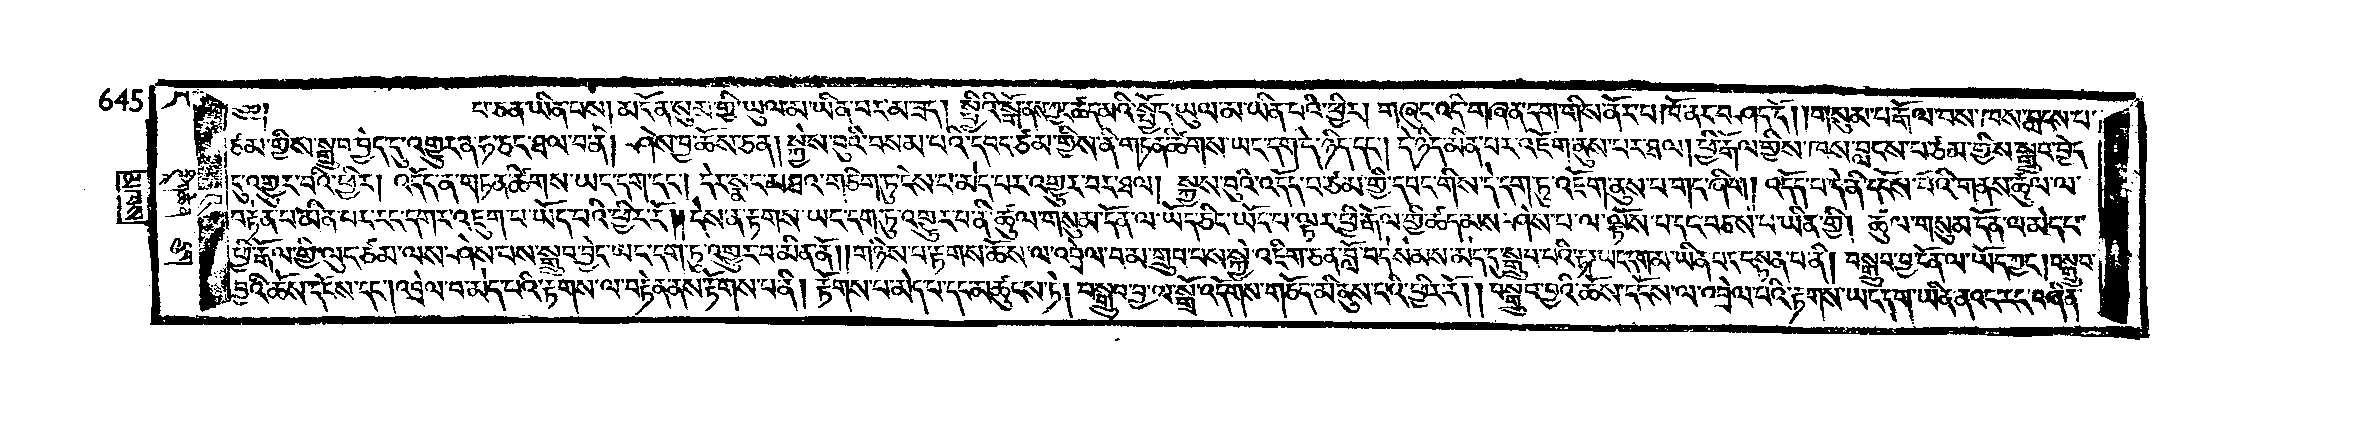༄༅། །པ་ཅན་ཡིན་པས། མངོན་སུམ་གྱི་ཡུལ་མ་ཡིན་པར་མ་ཟད། སྤྱིའི་སྒོ་ནས་ཀྱང་ཚད་མའི་སྤྱོད་ཡུལ་མ་ཡིན་པའི་ཕྱིར། གཞུང་འདི་གཞན་དག་གིས་ནོར་བ་ཁོ་ནར་བཤད་དོ། །གསུམ་པ་རྒོལ་བས་ཁས་བླངས་པ་
ཙམ་གྱིས་སྒྲུབ་བྱེད་དུ་འགྱུར་ན་ཧ་ཅང་ཐལ་བ་ནི། ཤེས་བྱ་ཆོས་ཅན། སྐྱེས་བུའི་བསམ་པའི་དབང་ཙམ་གྱིས་ནི་གཏན་ཚིགས་ཡང་དག་དེ་ཉིད་དང་། དེ་ཉིད་མིན་པར་འཇོག་ནུས་པར་ཐལ། ཕྱི་རྒོལ་གྱིས་ཁས་བླངས་པ་ཙམ་གྱིས་སྒྲུབ་བྱེད་
དུ་འགྱུར་བའི་ཕྱིར། འདོད་ན་གཏན་ཚིགས་ཡང་དག་དང་། དེར་སྣང་མཐའ་གཅིག་ཏུ་ངེས་པ་མེད་པར་འགྱུར་བར་ཐལ། སྐྱེས་བུའི་འདོད་པ་ཙམ་གྱི་དབང་གིས་དེ་དག་ཏུ་འཇོག་ནུས་པ་གང་ཞིག །འདོད་པ་དེ་ནི་དངོས་པོའི་གནས་ཚུལ་ལ་
བརྟེན་པ་མིན་པར་རང་དགར་འཇུག་པ་ཡོད་པའི་ཕྱིར་རོ། །དེས་ན་རྟགས་ཡང་དག་ཏུ་འགྱུར་བ་ནི་ཚུལ་གསུམ་དོན་ལ་ཡོད་ཅིང་ཡོད་པ་ལྟར་ཕྱི་རྒོལ་གྱི་ཚད་མས་ཤེས་པ་ལ་ལྟོས་པ་དང་བཅས་པ་ཡིན་གྱི། ཚུལ་གསུམ་དོན་ལ་མེད་པ་
ཕྱི་རྒོལ་གྱི་ལུང་ཙམ་ལས་ཤེས་པས་སྒྲུབ་བྱེད་ཡང་དག་ཏུ་འགྱུར་བ་མིན་ནོ། །གཉིས་པ་རྟགས་ཆོས་ལ་འབྲེལ་བ་མ་གྲུབ་པས་སྐྱེ་འཇིག་ཅན་བློ་བདེ་སེམས་མེད་དུ་སྒྲུབ་པའི་རྟགས་ཡང་དག་མ་ཡིན་པར་བསྟན་པ་ནི། བསྒྲུབ་བྱ་དོན་ལ་ཡོད་ཀྱང་། བསྒྲུབ་
བྱའི་ཆོས་དངོས་དང་། འབྲེལ་བ་མེད་པའི་རྟགས་ལ་བརྟེན་ནས་རྟོགས་པ་ནི། རྟོགས་པ་མེད་པ་དང་མཚུངས་ཏེ། བསྒྲུབ་བྱ་ལ་སྒྲོ་འདོགས་གཅོད་མི་ནུས་པའི་ཕྱིར་རོ། །བསྒྲུབ་བྱའི་ཆོས་དངོས་ལ་འབྲེལ་བའི་རྟགས་ཡང་དག་ཡིན་ནའང་རང་བཞིན་